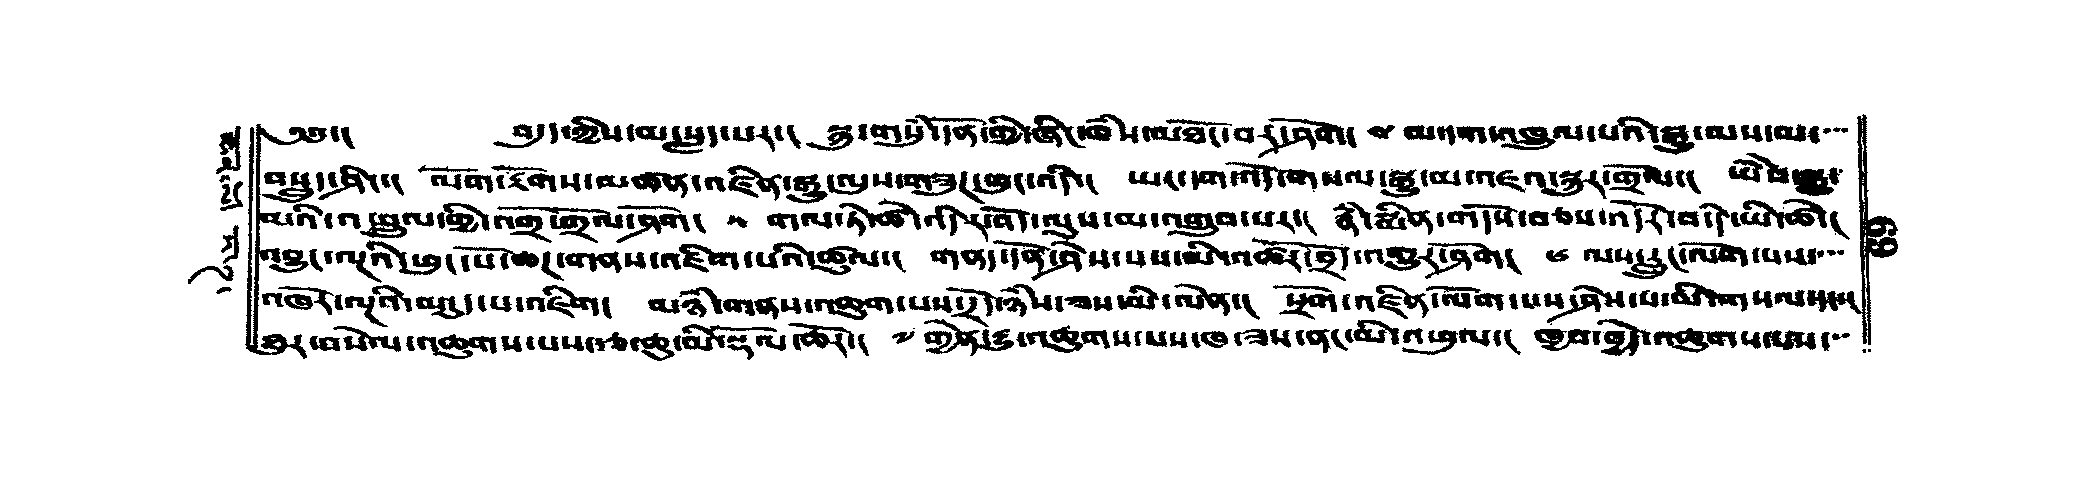བདུད་ཀྱིས་མ་སླད་པར། །སྐུ་གསུམ་དོན་གྱི་ཞིང་ཁམས་མཐོང་བར་ཤོག །མ་དག་འཁྲུལ་པའི་སྒྱུ་མས་མ་
བསླུས་ཤིང་། །ལོག་རྟོག་མཚན་འཛིན་སྒྱུ་ལུས་གཟུགས་ཕུང་འདི། །ཡང་དག་འོད་གསལ་སྒྱུ་མ་འཇའ་སྐུར་གྲོལ། །ཡེ་ཤེས་སྒྱུ་
མའི་འཕྲུལ་གྱི་འགྲོ་གྲོལ་ཤོག །གལ་ཏེ་ཚེ་འདིར་འོད་ལུས་མ་འགྲུབ་པར། །རྣམ་སྨིན་གདོས་བཅས་འདོར་བ་དེ་ཡི་ཚེ། །
འབྱུང་ལྔའི་ཕུང་པོ་ཆགས་གནས་འཇིག་པའི་ཚུལ། །གནད་དོན་ཤེས་པས་མི་འཚོར་བྲོད་འགྱུར་ཤོག །ལས་རླུང་ལོགས་པས་
འཁོར་ལྔའི་མདུད་པ་འཇིག །མཉམ་གནས་འཆུག་པས་དྲོད་ཉམས་ཟས་མི་ལེན། །སྲོག་འཛིན་ལོག་པས་ཤེས་པ་མི་གསལ་དང་། །
ཐུར་སེལ་འཆུགས་པས་རྩ་ཆུ་མི་སྙོམ་འཆོར། །གྱེན་རྒྱུ་འཆུགས་པས་ཁ་ཟས་ནང་མི་འཕུལ། །ཁྱབ་བྱེད་འཆུགས་པས་